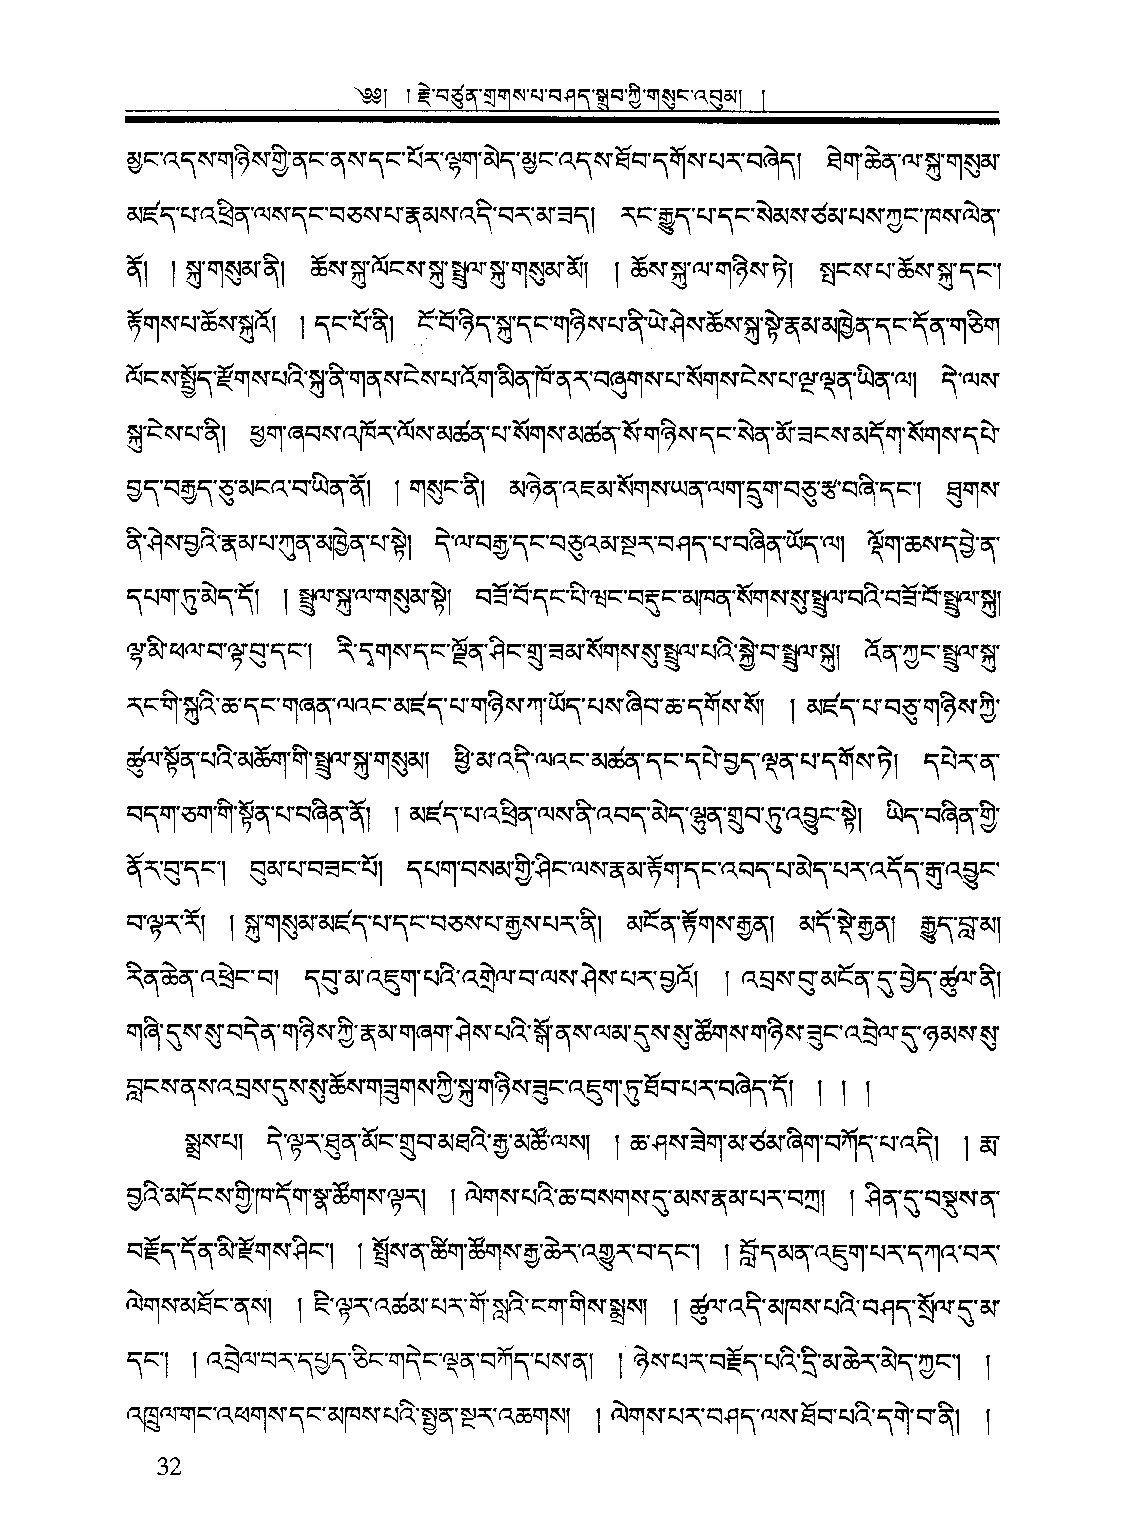མྱང་འདས་གཉིས་གྱི་ནང་ནས་དང་པོར་ལྷག་མེད་མྱང་འདས་ཐོབ་དགོས་པར་བཞེད། ཐེག་ཆེན་ལ་སྐུ་གསུམ་
མཛད་པ་འཕྲིན་ལས་དང་བཅས་པ་རྣམས་འདི་བར་མ་ཟད། རང་རྒྱུད་པ་དང་སེམས་ཙམ་པས་ཀྱང་ཁས་ལེན་
ནོ། །སྐུ་གསུམ་ནི། ཆོས་སྐུ་ལོངས་སྐུ་སྤྲུལ་སྐུ་གསུམ་མོ། །ཆོས་སྐུ་ལ་གཉིས་ཏེ། སྤངས་པ་ཆོས་སྐུ་དང་།
རྟོགས་པ་ཆོས་སྐུའོ། །དང་པོ་ནི། ངོ་བོ་ཉིད་སྐུ་དང་གཉིས་པ་ནི་ཡེ་ཤེས་ཆོས་སྐུ་སྟེ་རྣམ་མཁྱེན་དང་དོན་གཅིག་
ལོངས་སྤྱོད་རྫོགས་པའི་སྐུ་ནི་གནས་ངེས་པ་འོག་མིན་ཁོ་ནར་བཞུགས་པ་སོགས་ངེས་པ་ལྔ་ལྡན་ཡིན་ལ། དེ་ལས་
སྐུ་ངེས་པ་ནི། ཕྱག་ཞབས་འཁོར་ལོས་མཚན་པ་སོགས་མཚན་སོ་གཉིས་དང་སེན་མོ་ཟངས་མདོག་སོགས་དཔེ་
བྱད་བརྒྱད་ཅུ་མངའ་བ་ཡིན་ནོ། །གསུང་ནི། མཉེན་འཇམ་སོགས་ཡན་ལག་དྲུག་བཅུ་རྩ་བཞི་དང་། ཐུགས་
ནི་ཤེས་བྱའི་རྣམ་པ་ཀུན་མཁྱེན་པ་སྟེ། དེ་ལ་བརྒྱ་དང་བཅུའམ་སྔར་བཤད་པ་བཞིན་ཡོད་ལ། ལྡོག་ཆས་དབྱེ་ན་
དཔག་ཏུ་མེད་དོ། །སྤྲུལ་སྐུ་ལ་གསུམ་སྟེ། བཟོ་བོ་དང་པི་ཝང་བརྡུང་མཁན་སོགས་སུ་སྤྲུལ་བའི་བཟོ་བོ་སྤྲུལ་སྐུ།
ལྷ་མི་ཕལ་བ་ལྟ་བུ་དང་། རི་དྭགས་དང་ལྗོན་ཤིང་གྲུ་ཟམ་སོགས་སུ་སྤྲུལ་པའི་སྐྱེ་བ་སྤྲུལ་སྐུ། འོན་ཀྱང་སྤྲུལ་སྐུ་
རང་གི་སྐུའི་ཆ་དང་གཞན་ལའང་མཛད་པ་གཉིས་ཀ་ཡོད་པས་ཞིབ་ཆ་དགོས་སོ། །མཛད་པ་བཅུ་གཉིས་ཀྱི་
ཚུལ་སྟོན་པའི་མཆོག་གི་སྤྲུལ་སྐུ་གསུམ། ཕྱི་མ་འདི་ལའང་མཚན་དང་དཔེ་བྱད་ལྡན་པ་དགོས་ཏེ། དཔེར་ན་
བདག་ཅག་གི་སྟོན་པ་བཞིན་ནོ། །མཛད་པ་འཕྲིན་ལས་ནི་འབད་མེད་ལྷུན་གྲུབ་ཏུ་འབྱུང་སྟེ། ཡིད་བཞིན་གྱི་
ནོར་བུ་དང་། བུམ་པ་བཟང་པོ། དཔག་བསམ་གྱི་ཤིང་ལས་རྣམ་རྟོག་དང་འབད་པ་མེད་པར་འདོད་རྒུ་འབྱུང་
བ་ལྟར་རོ། །སྐུ་གསུམ་མཛད་པ་དང་བཅས་པ་རྒྱས་པར་ནི། མངོན་རྟོགས་རྒྱན། མདོ་སྡེ་རྒྱན། རྒྱུད་བླ་མ།
རིན་ཆེན་འཕྲེང་བ། དབུ་མ་འཇུག་པའི་འགྲེལ་བ་ལས་ཤེས་པར་བྱའོ། །འབྲས་བུ་མངོན་དུ་བྱེད་ཚུལ་ནི།
གཞི་དུས་སུ་བདེན་གཉིས་ཀྱི་རྣམ་གཞག་ཤེས་པའི་སྒོ་ནས་ལམ་དུས་སུ་ཚོགས་གཉིས་ཟུང་འབྲེལ་དུ་ཉམས་སུ་
བླངས་ནས་འབྲས་དུས་སུ་ཆོས་གཟུགས་ཀྱི་སྐུ་གཉིས་ཟུང་འཇུག་ཏུ་ཐོབ་པར་བཞེད་དོ། ། ། །
སྨྲས་པ། དེ་ལྟར་ཐུན་མོང་གྲུབ་མཐའི་རྒྱ་མཚོ་ལས། །ཆ་ཤས་ཟེག་མ་ཙམ་ཞིག་བཀོད་པ་འདི། །རྨ་
བྱའི་མདོངས་གྱི་ཁ་དོག་སྣ་ཚོགས་ལྟར། །ལེགས་པའི་ཆ་བསགས་དུ་མས་རྣམ་པར་བཀྲ། །ཤིན་དུ་བསྡུས་ན་
བརྗོད་དོན་མི་རྫོགས་ཤིང་། །སྤྲོས་ན་ཚིག་ཚོགས་རྒྱ་ཆེར་འགྱུར་བ་དང་། །བློ་དམན་འཇུག་པར་དཀའ་བར་
ལེགས་མཐོང་ནས། །ཇི་ལྟར་འཚམ་པར་གོ་སླའི་ངག་གིས་སྨྲས། །ཚུལ་འདི་མཁས་པའི་བཤད་སྲོལ་དུ་མ་
དང་། །འབྲེལ་བར་དཔྱད་ཅིང་གདེང་ལྡན་བཀོད་པས་ན། །ཉེས་པར་བརྗོད་པའི་དྲི་མ་ཆེར་མེད་ཀྱང་། །
འཁྲུལ་གང་འཕགས་དང་མཁས་པའི་སྤྱན་སྔར་འཆགས། །ལེགས་པར་བཤད་ལས་ཐོབ་པའི་དགེ་བ་ནི། །